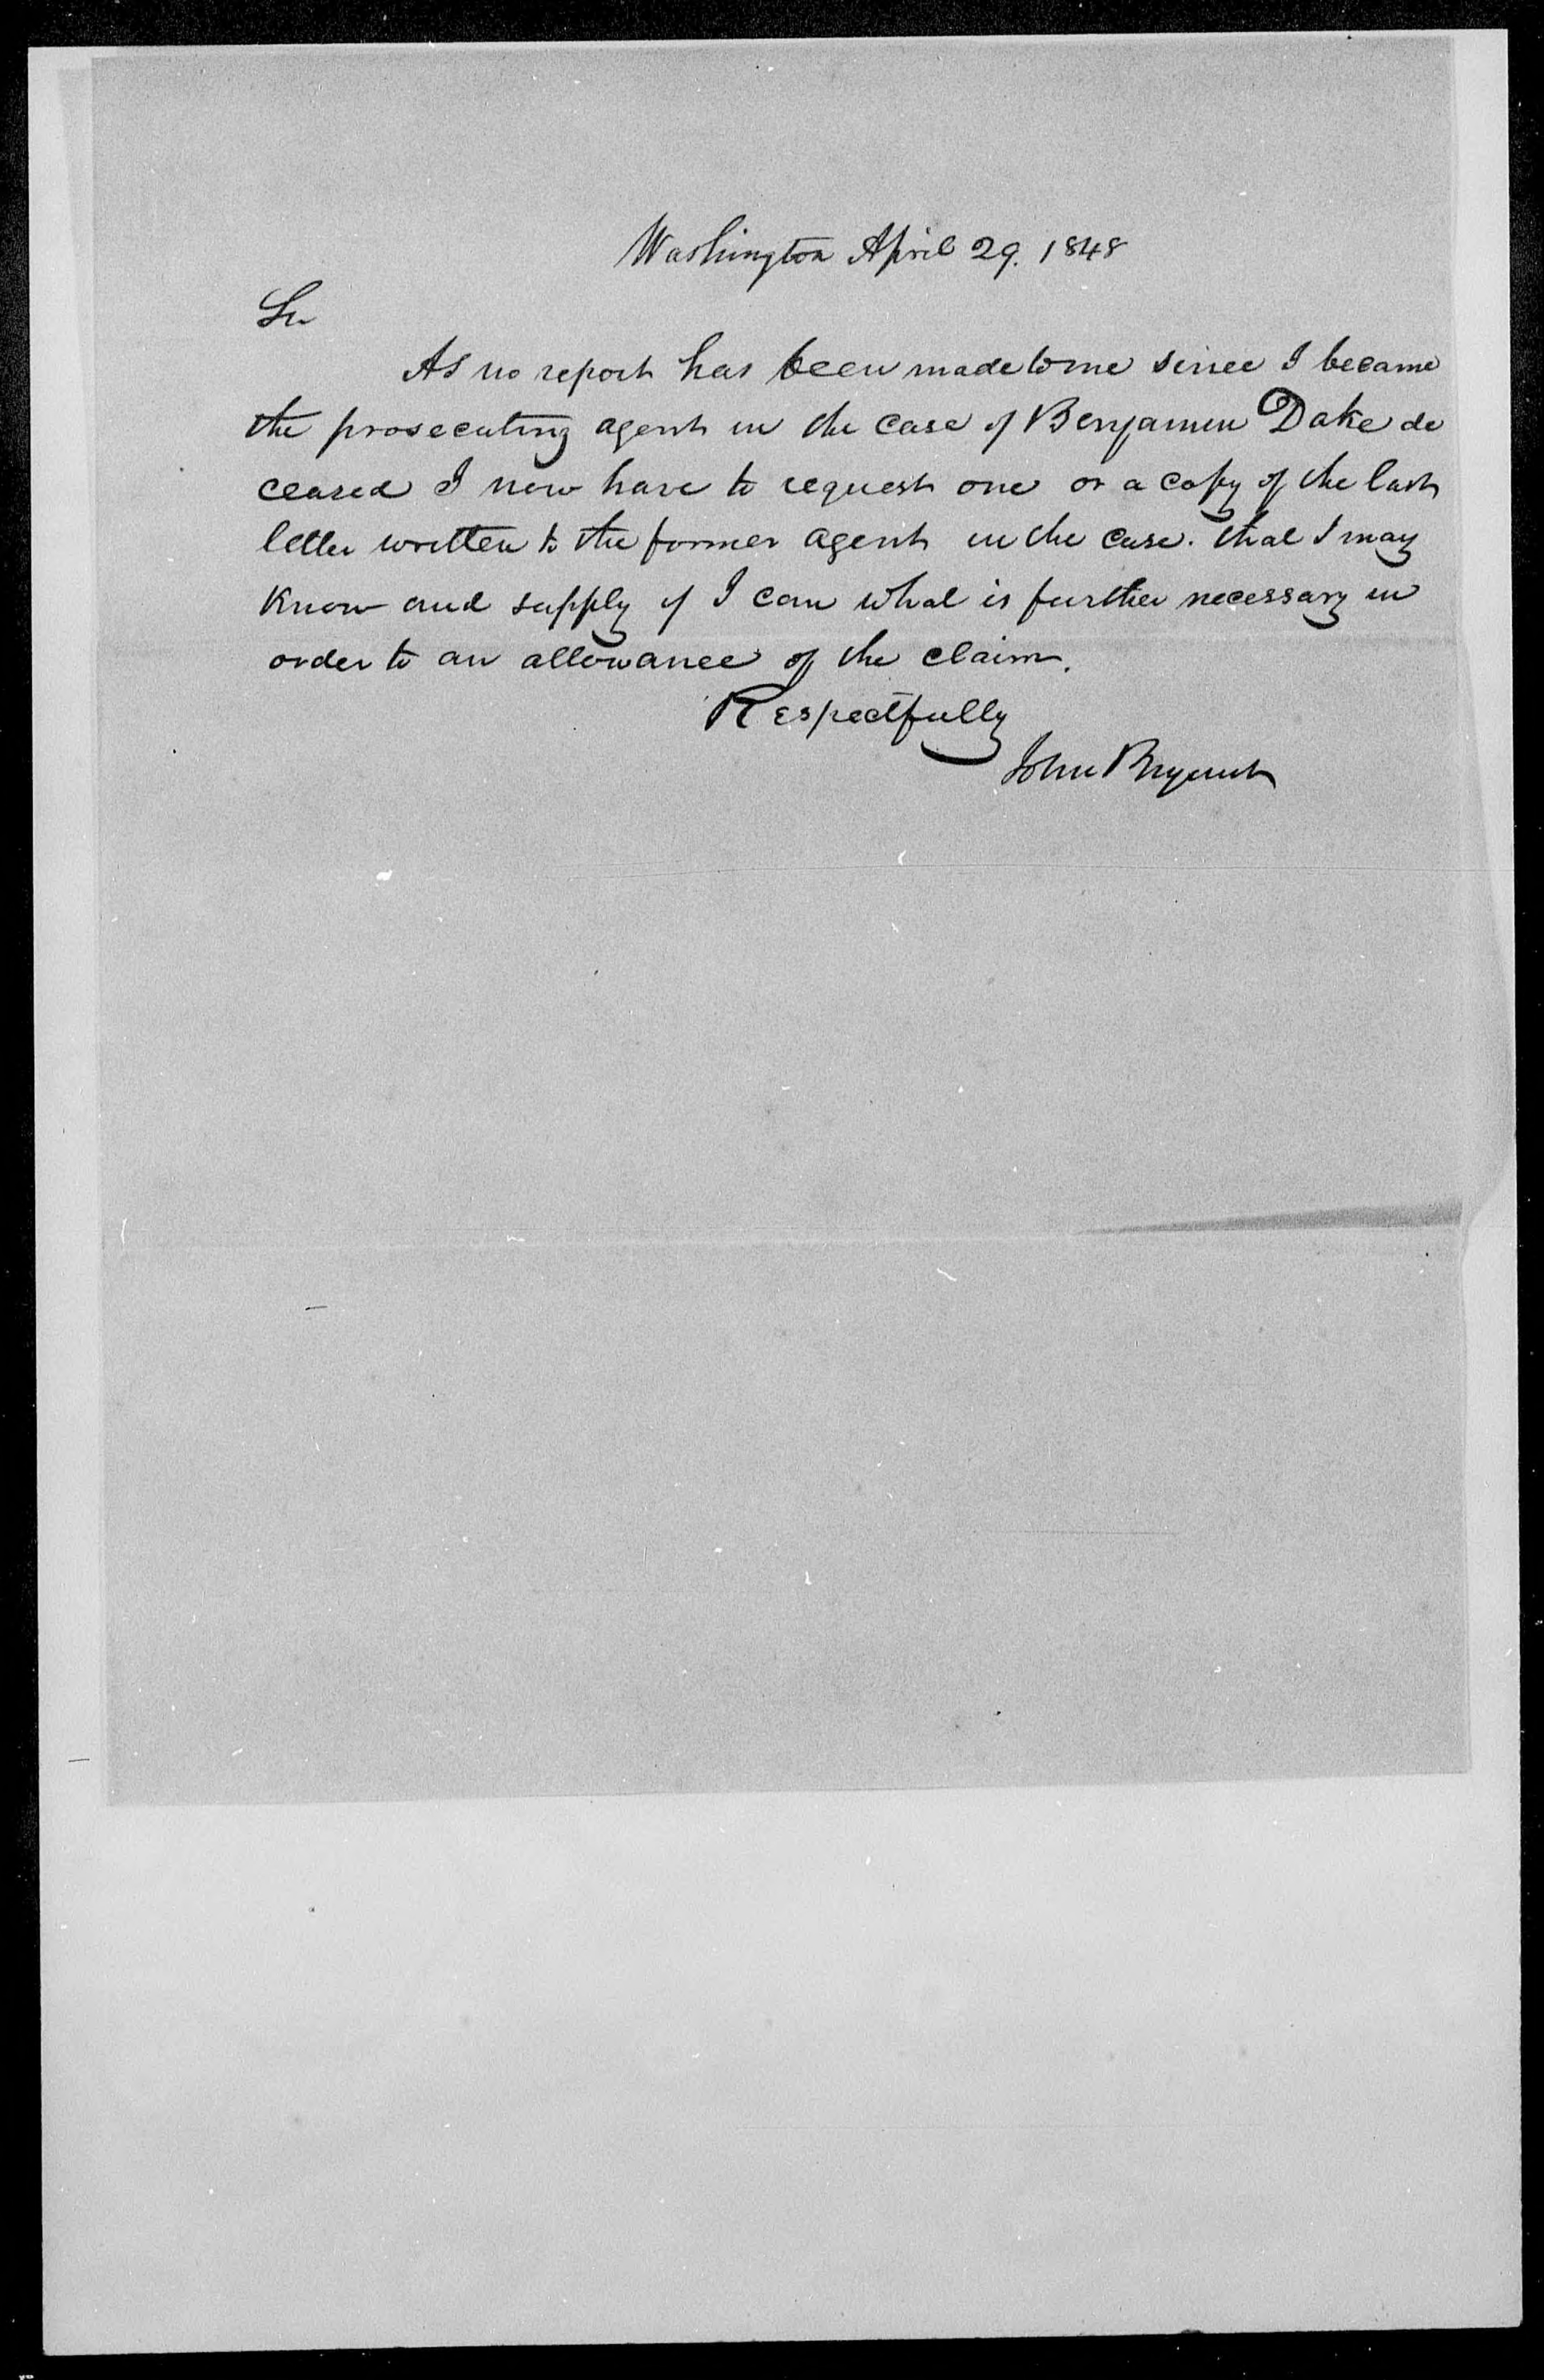Washington April 29 1848 Sir As no report has been made to me since I became prosecuting agent in the case of Benjamin Dake deceased I now have to request one or a copy of the last letter written to the former agent in the case. That I may know and supply if I can what is further necessary in order to an allowance of the claim. Respectfully John Bryant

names: John Bryant, Benjamin Dake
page: 28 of 42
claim: rejected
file: R. 2,625, Benjamin Dake, R.I.